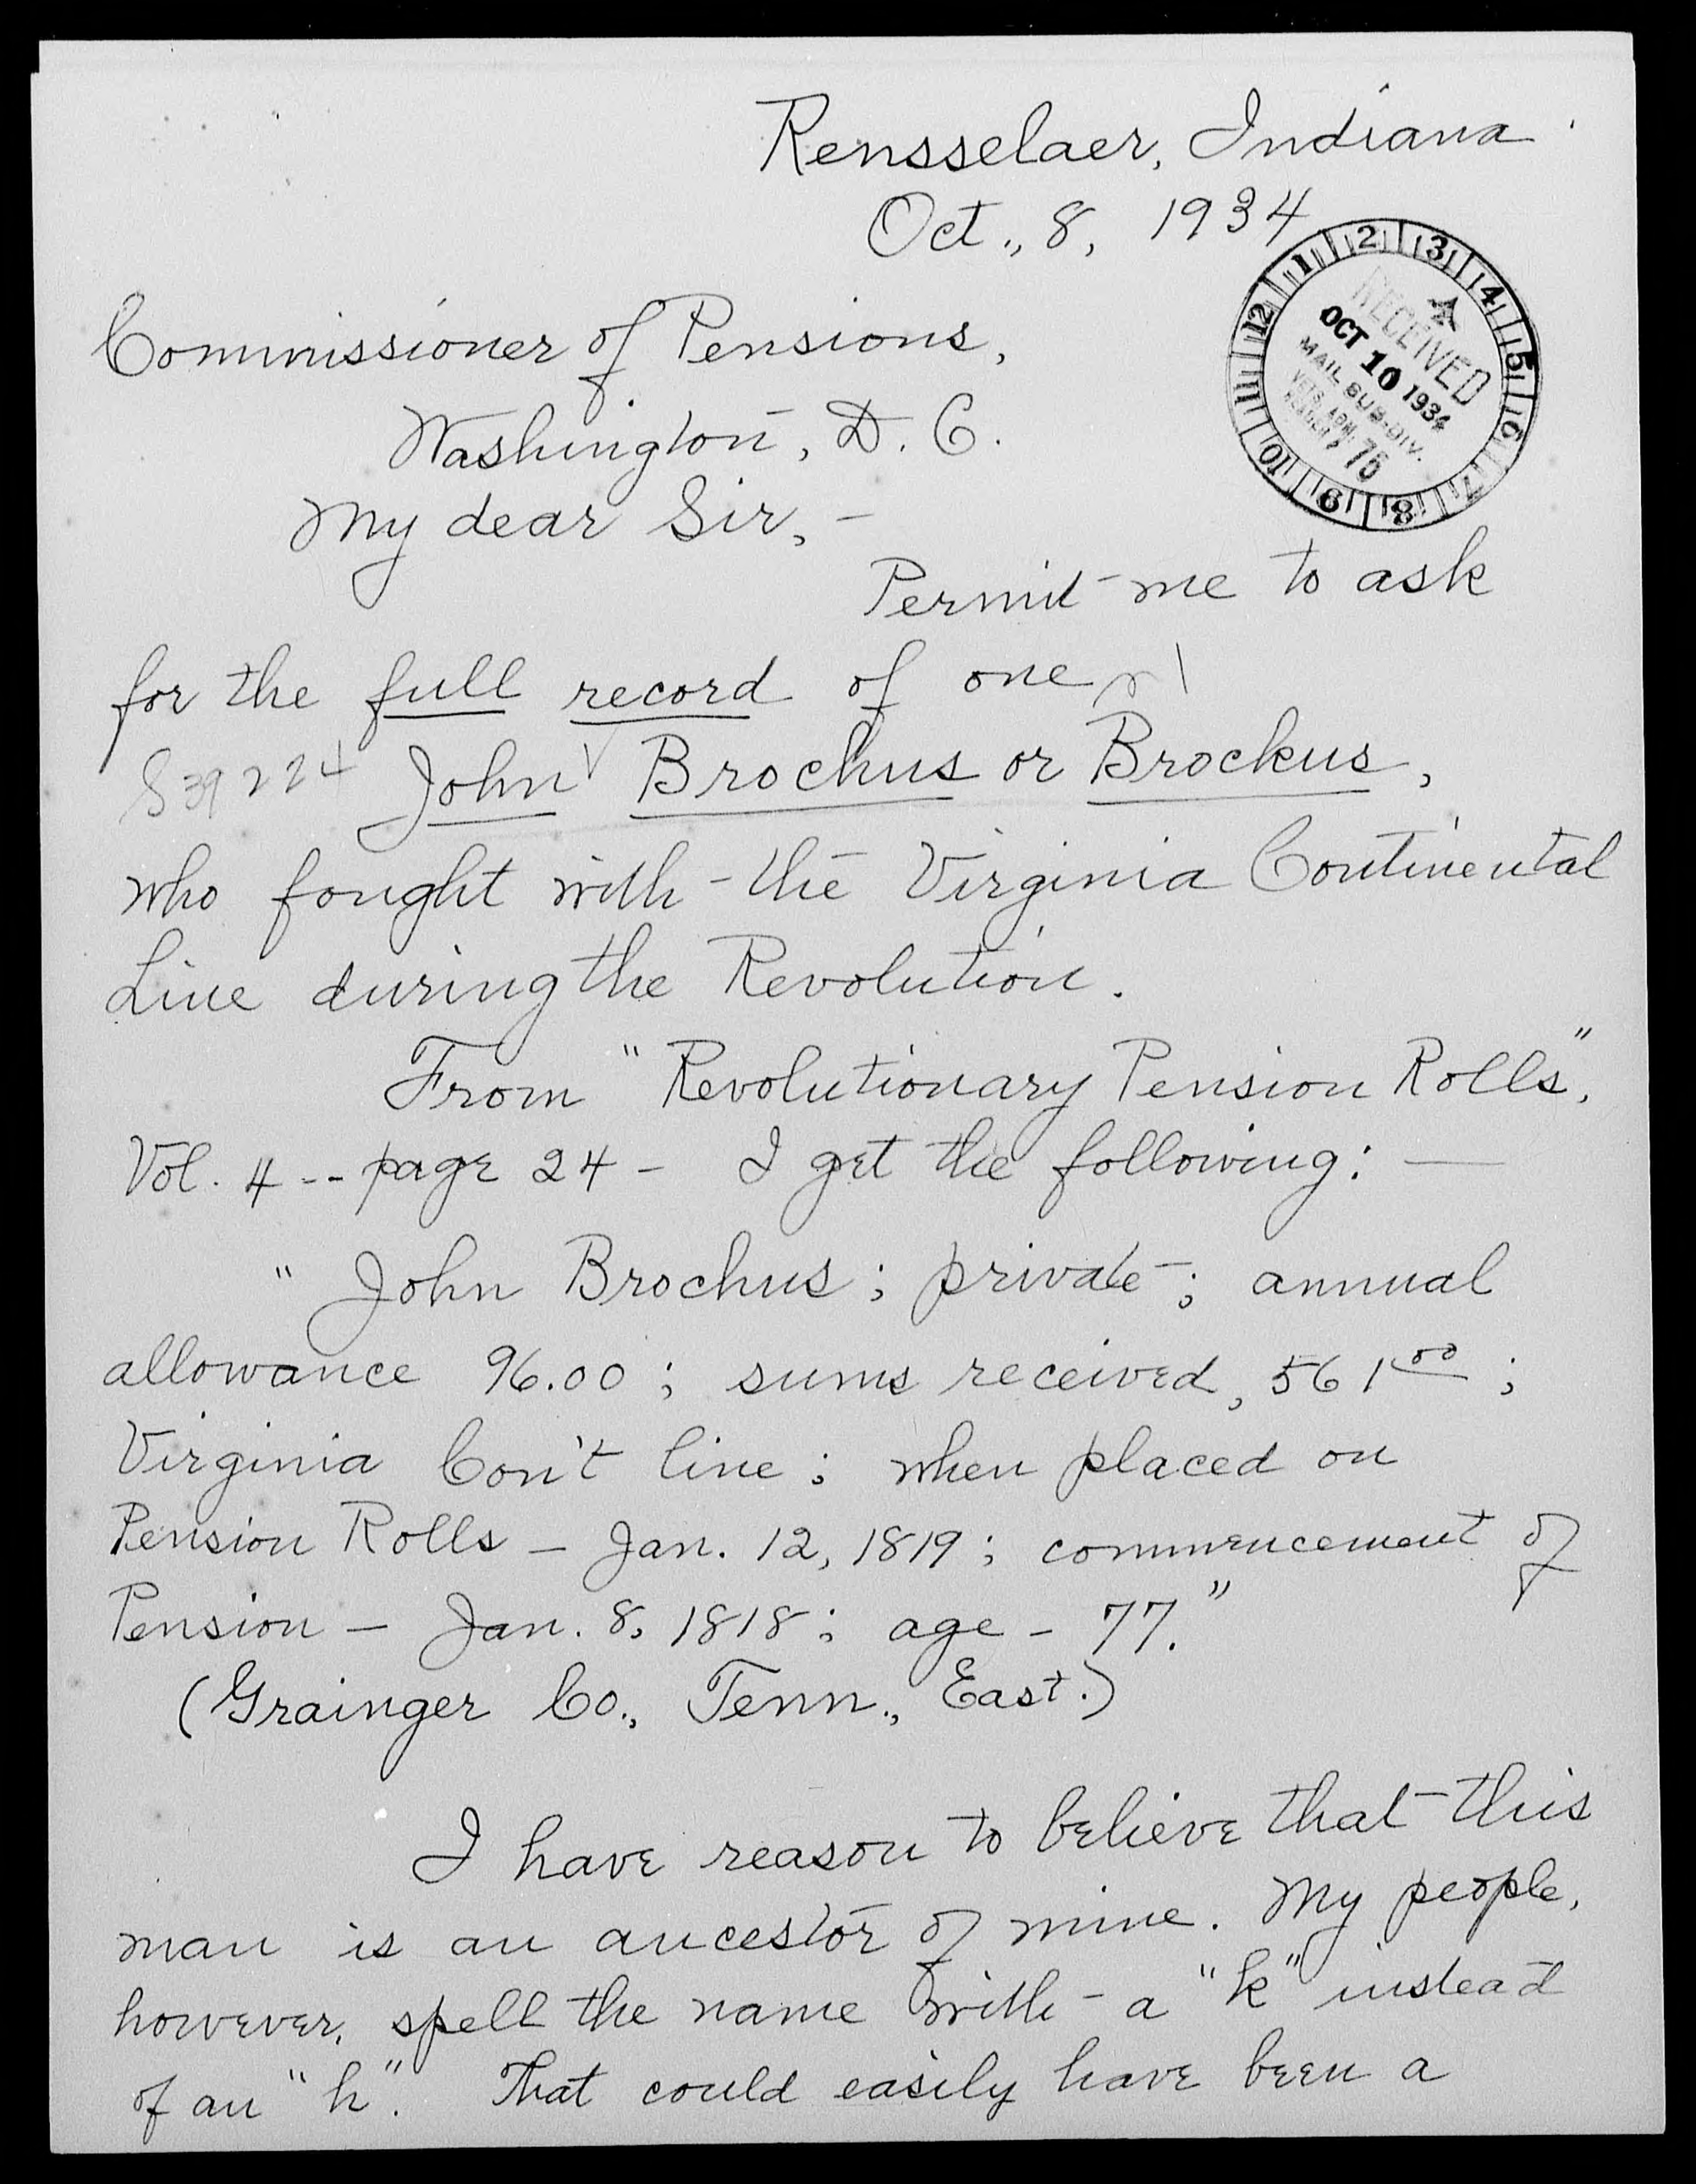Rensselaer, Indiana
Oct. 8, 1934
Commissioner of Pensions.
Washington, D.C.
My dear Sir,
Permit me to ask for the full record of one S. 39224 John Brochus or Brockus, who fought with the Virginia Continental Line during the Revolution.
From "Revolutionary Pension Rolls", Vol. 4 -- page 24 - I got the following:
"John Brochus; private; annual allowance 96.00; sums received, 561.00; Virginia Con't line; when placed on Pension Rolls - Jan. 12, 1819; commencement of Pension - Jan. 8, 1818; age - 77."
(Grainger Co., Tenn., East.)
I have reason to believe that this man is an ancestor of mine. My people, however, spell the name with a "k" instead of an "h". That could easily have been a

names: John Brockus, John Brockus, John Brochus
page: 14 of 19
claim: survivor's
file: S. 39,224, John Brockus, Va.